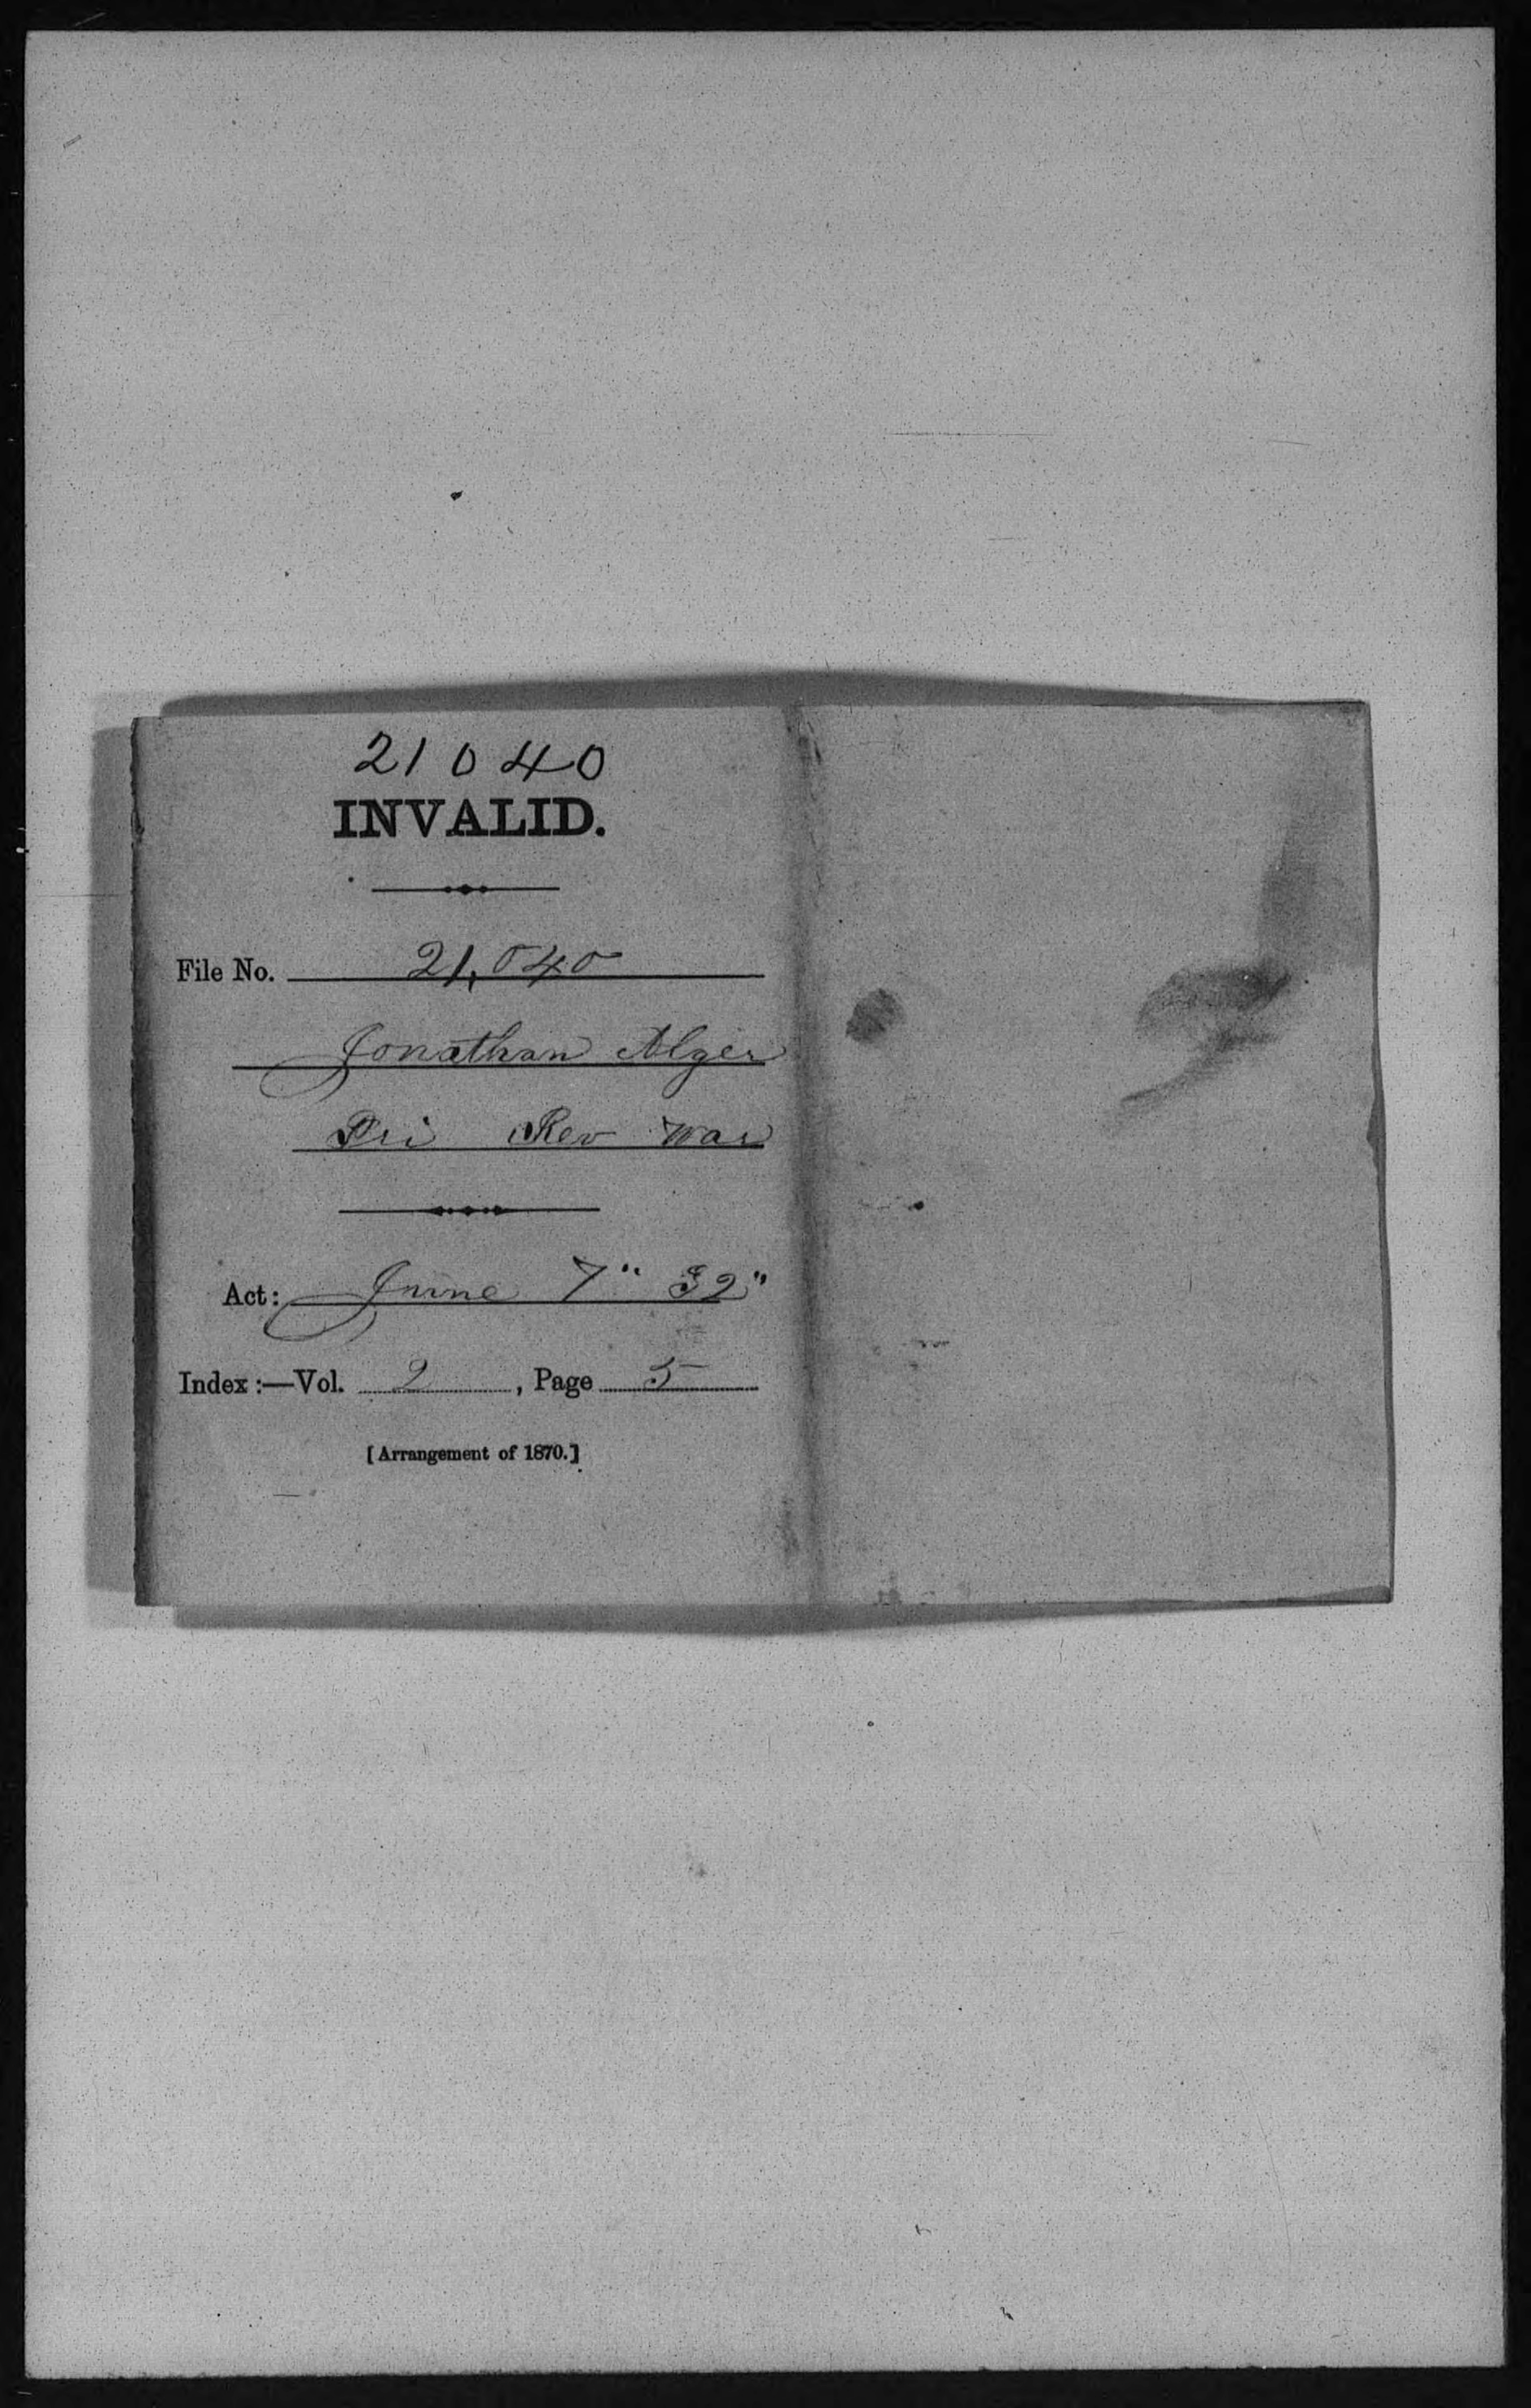21040
Invalid.
File No. 21,040
Jonathan Alger
Pri Rev War
Act: June 7 '32
Index: - Vol. 2, Page 5
[Arrangement of 1870.]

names: Jonathan Alger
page: 11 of 16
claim: survivor's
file: S. 21040, Jonathan Alger, Mass. R. I.